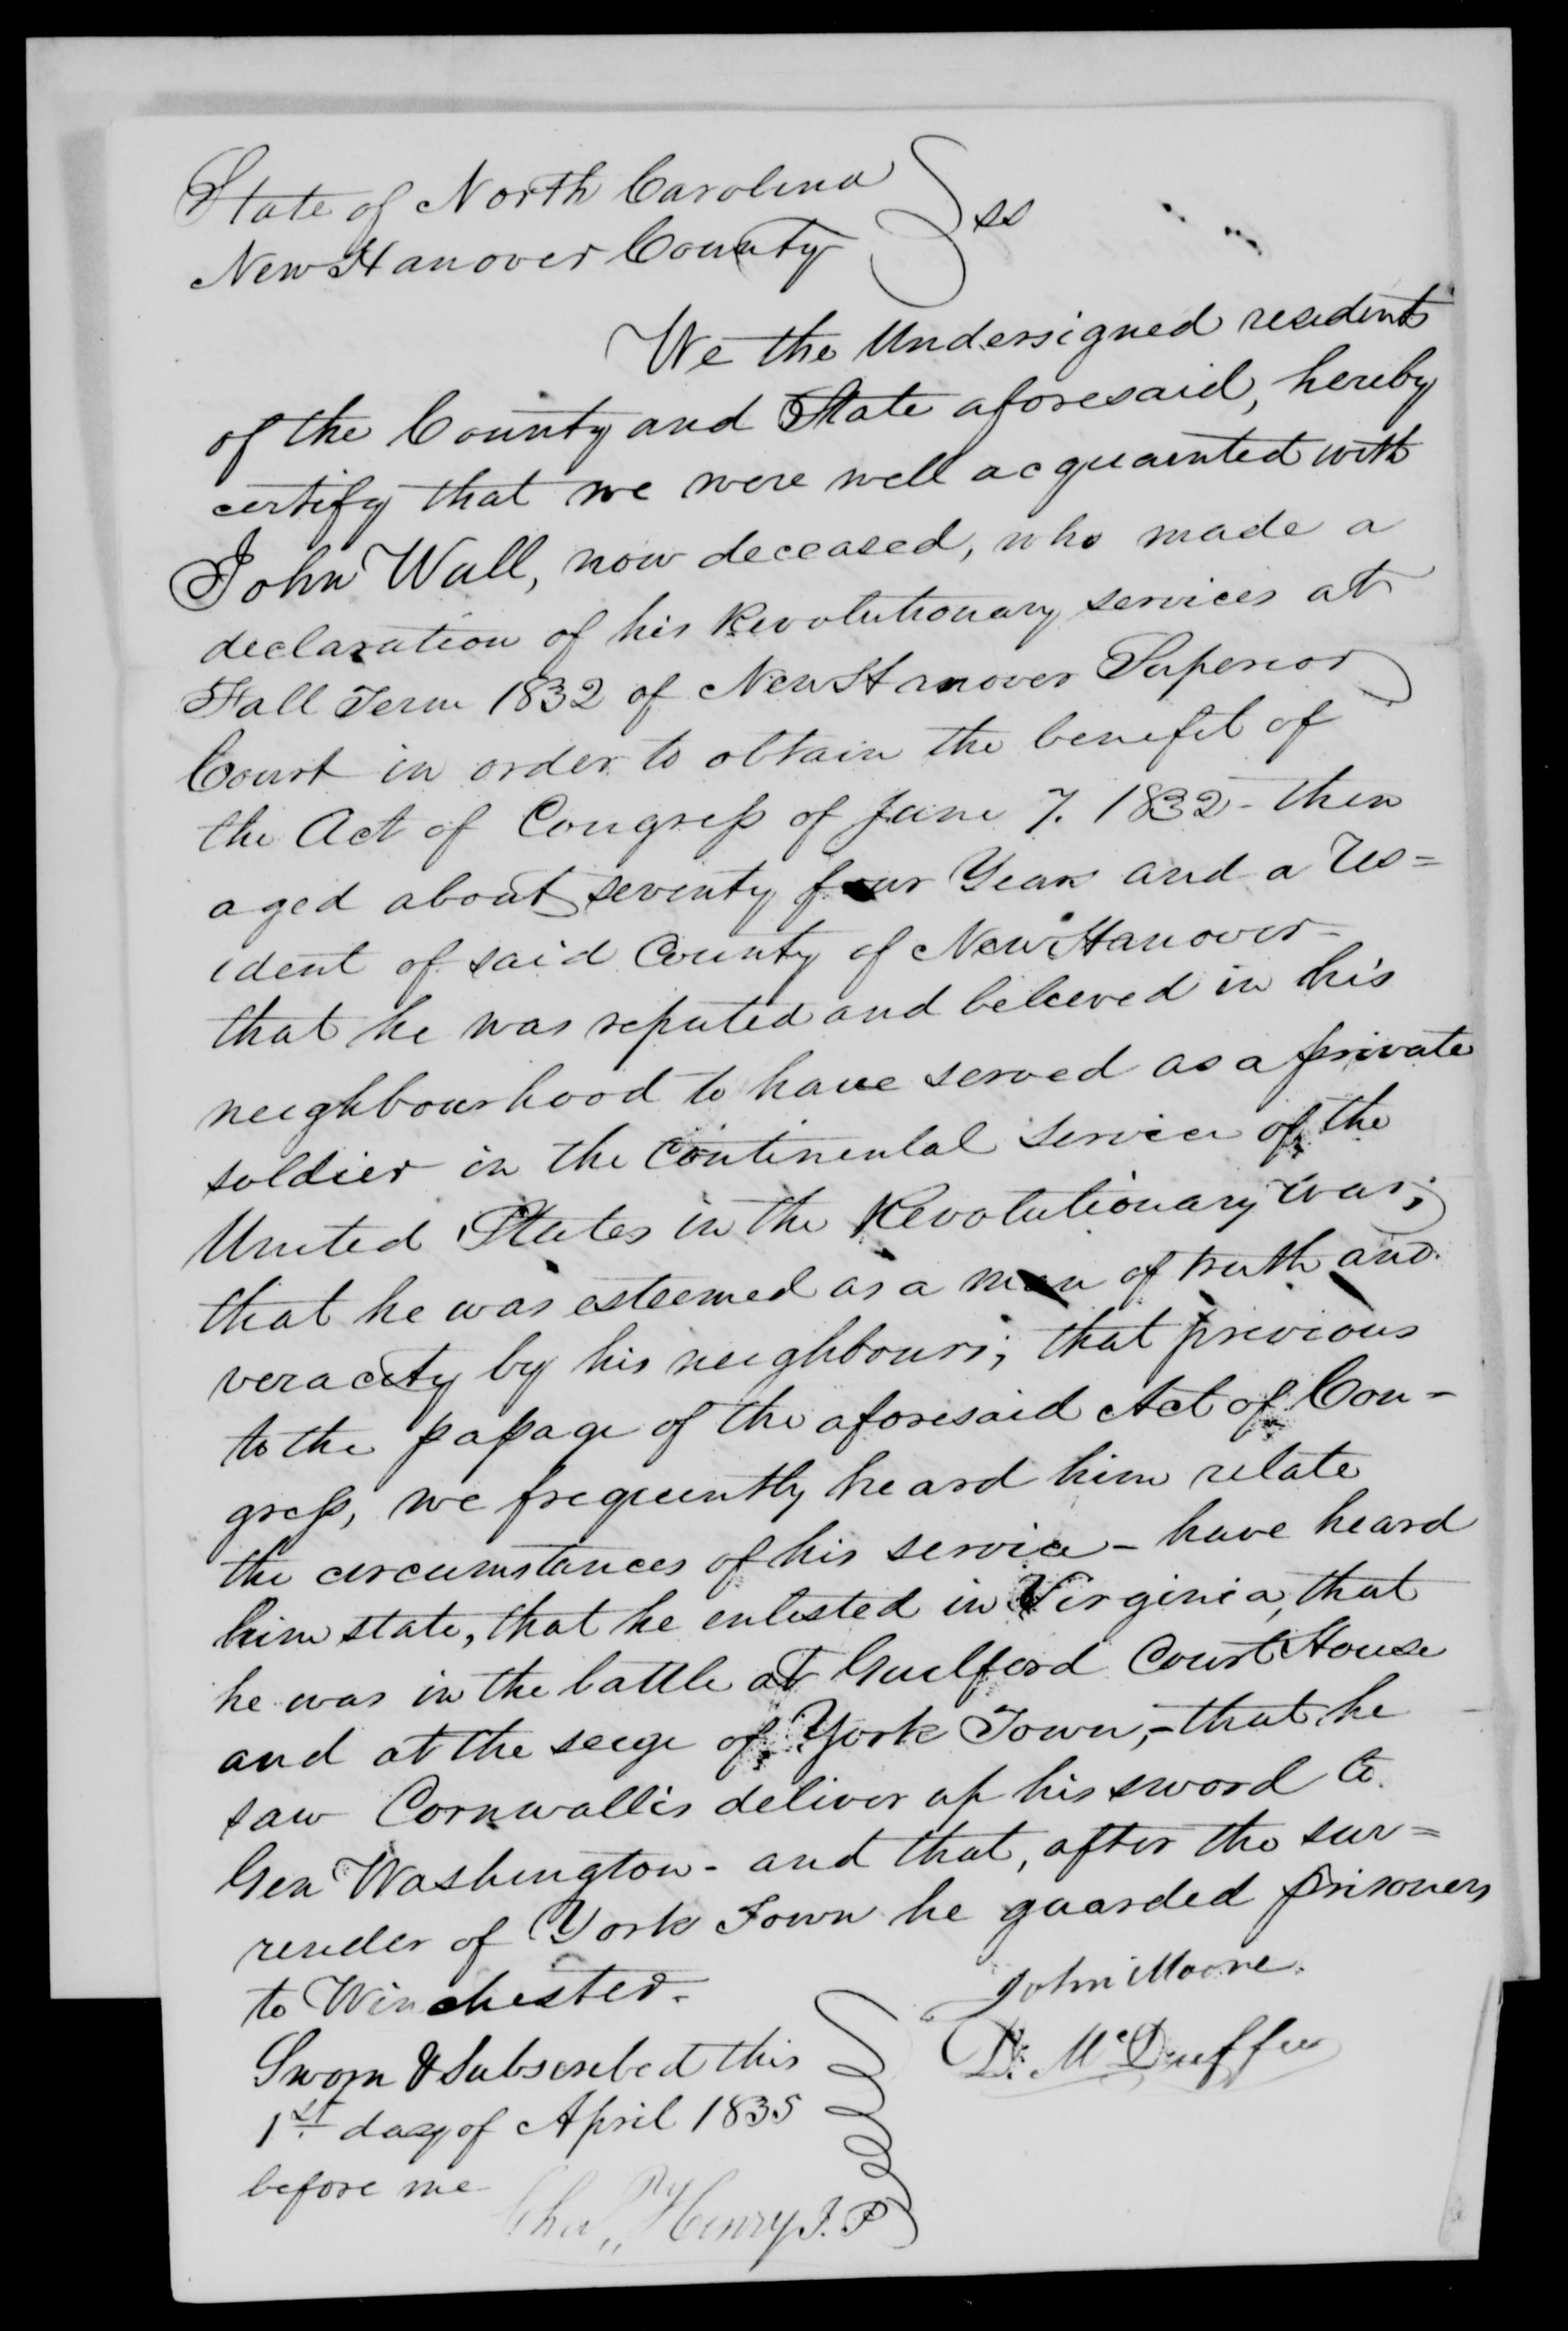State of North Carolina
New Hanover County ss
We the undersigned residents of the County and State aforesaid, hereby certify that we were well acquainted with John Wall, now deceased, who made a declaration of his Revolutionary services at Fall Term 1832 of New Hanover Superior Court in order to obtain the benefit of the act of Congress of June 7, 1832. Then aged about seventy four years and a resident of said County of New Hanover that he was reputed and believed in his neighbourhood to have served as a private soldier in the Continental service of the
United States in the Revolutionary war; that he was esteemed as a man of truth and veracity by his neighbours; that previous to the passage of the aforesaid Act of Congress, we frequently heard him relate the circumstances of his service - have heard him state, that he enlisted in Virginia, that he was in the battle at Guilford Court House and at the siege of York Town, that he saw Cornwallis deliver up his sword to Gen Washington and that, after the surrender of York Town he guarded prisoners to Winchester.

Sworn & Subscribed this
1st day of April 1835 before me
D. McDuffie
---

John Moore
D. McDuffie
Cha. P. Henry J. P.
⎬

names: D Mc Duffee, John Wall, Chas Henry, John Moore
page: 10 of 11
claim: rejected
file: R. 11089, John Wall, Va.